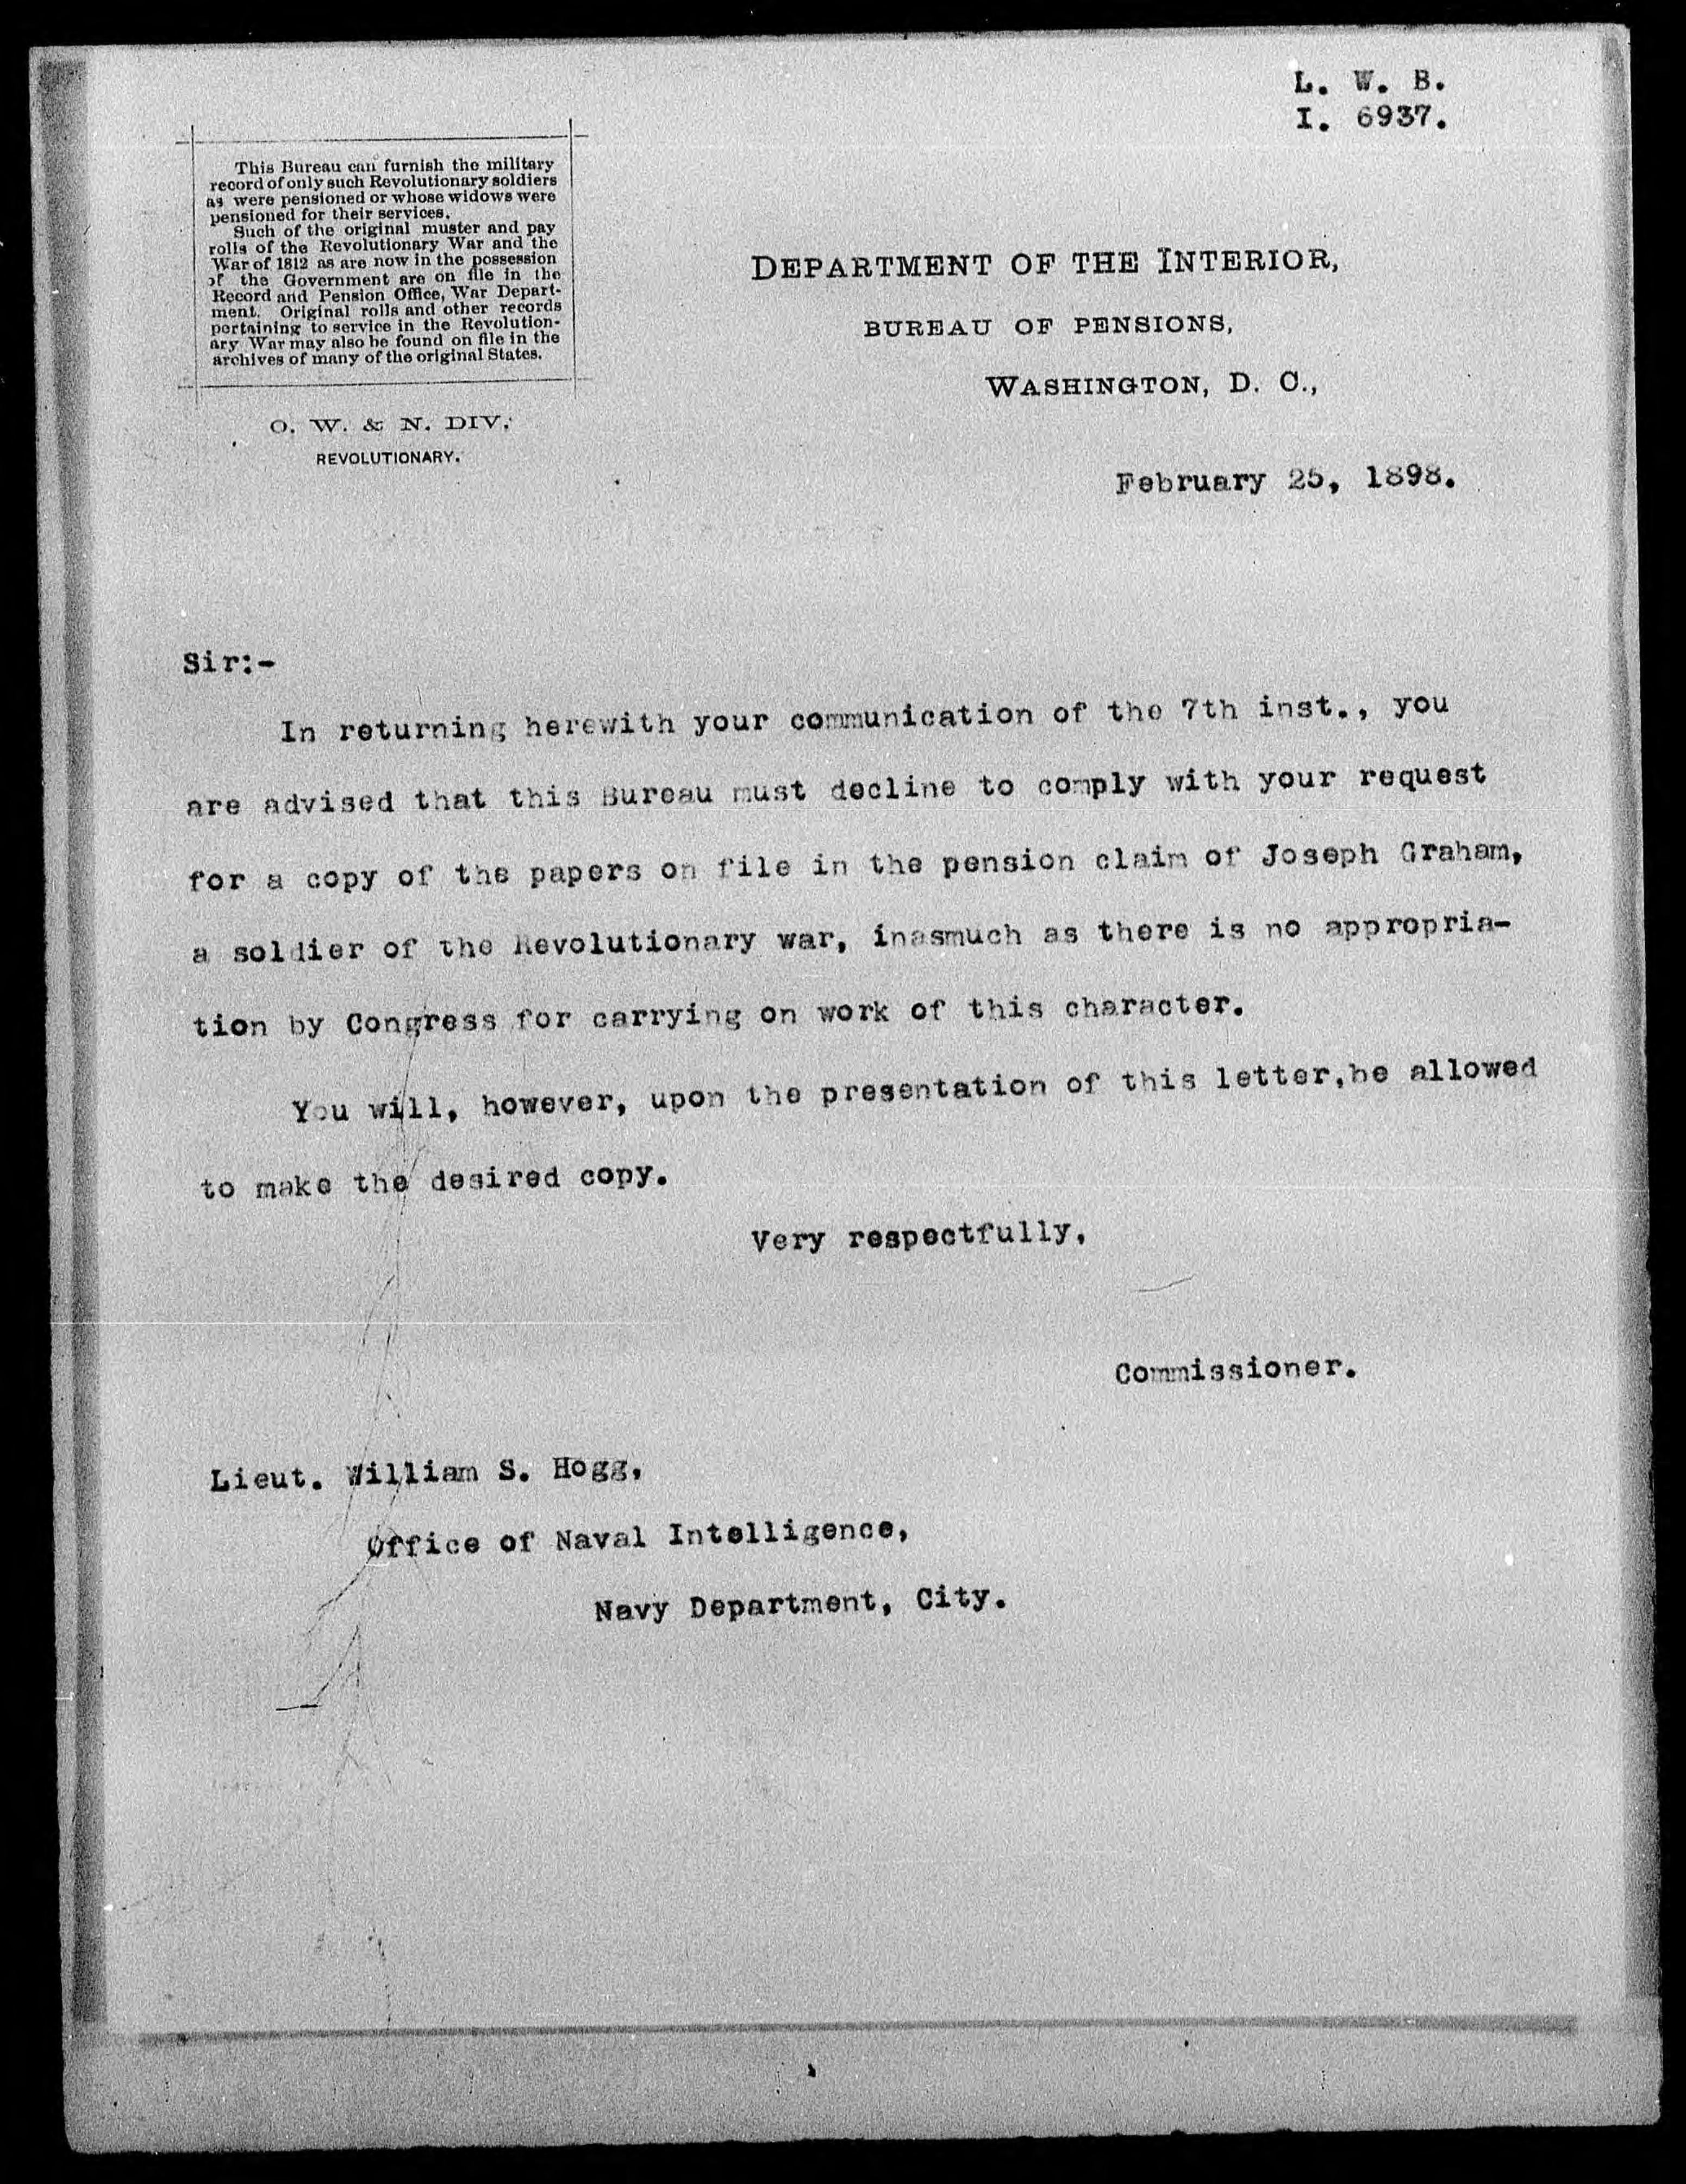This Bureau can furnish the military
record of only such Revolutionary soldiers
as were pensioned or whose widows were
pensioned for their services.
Such of the original muster and pay
rolls of the Revolutionary War and the
War of 1812 as are now in the possession
of the Government are on file in the
Record and Pension Office, War Department. Original rolls and other records
pertaining to service in the Revolutionary War may also be found on file in the 
archives of many of the original States.

DEPARTMENT OF THE INTERIOR,
BUREAU OF PENSIONS,
WASHINGTON, D. C.,

February 26, 1898.

Sir:-

In returning herewith your communication of the 7th inst., you are advised that this Bureau must decline to comply with your request
for a copy of the papers on file in the pension claim of Joseph Graham, a soldier of the Revolutionary war, inasmuch as there is no appropriation by Congress for carrying on work of this character. You will, however, upon the presentation of this letter be allowed
to make the desired copy.

Very respectfully,

Commissioner.

Lieut. William S. Hogs,
Office of Naval Intelligence,
Navy Department, City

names: Joseph Graham, William S Hogg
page: 33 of 55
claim: survivor's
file: S. 6,937, Joseph Graham, N.C.